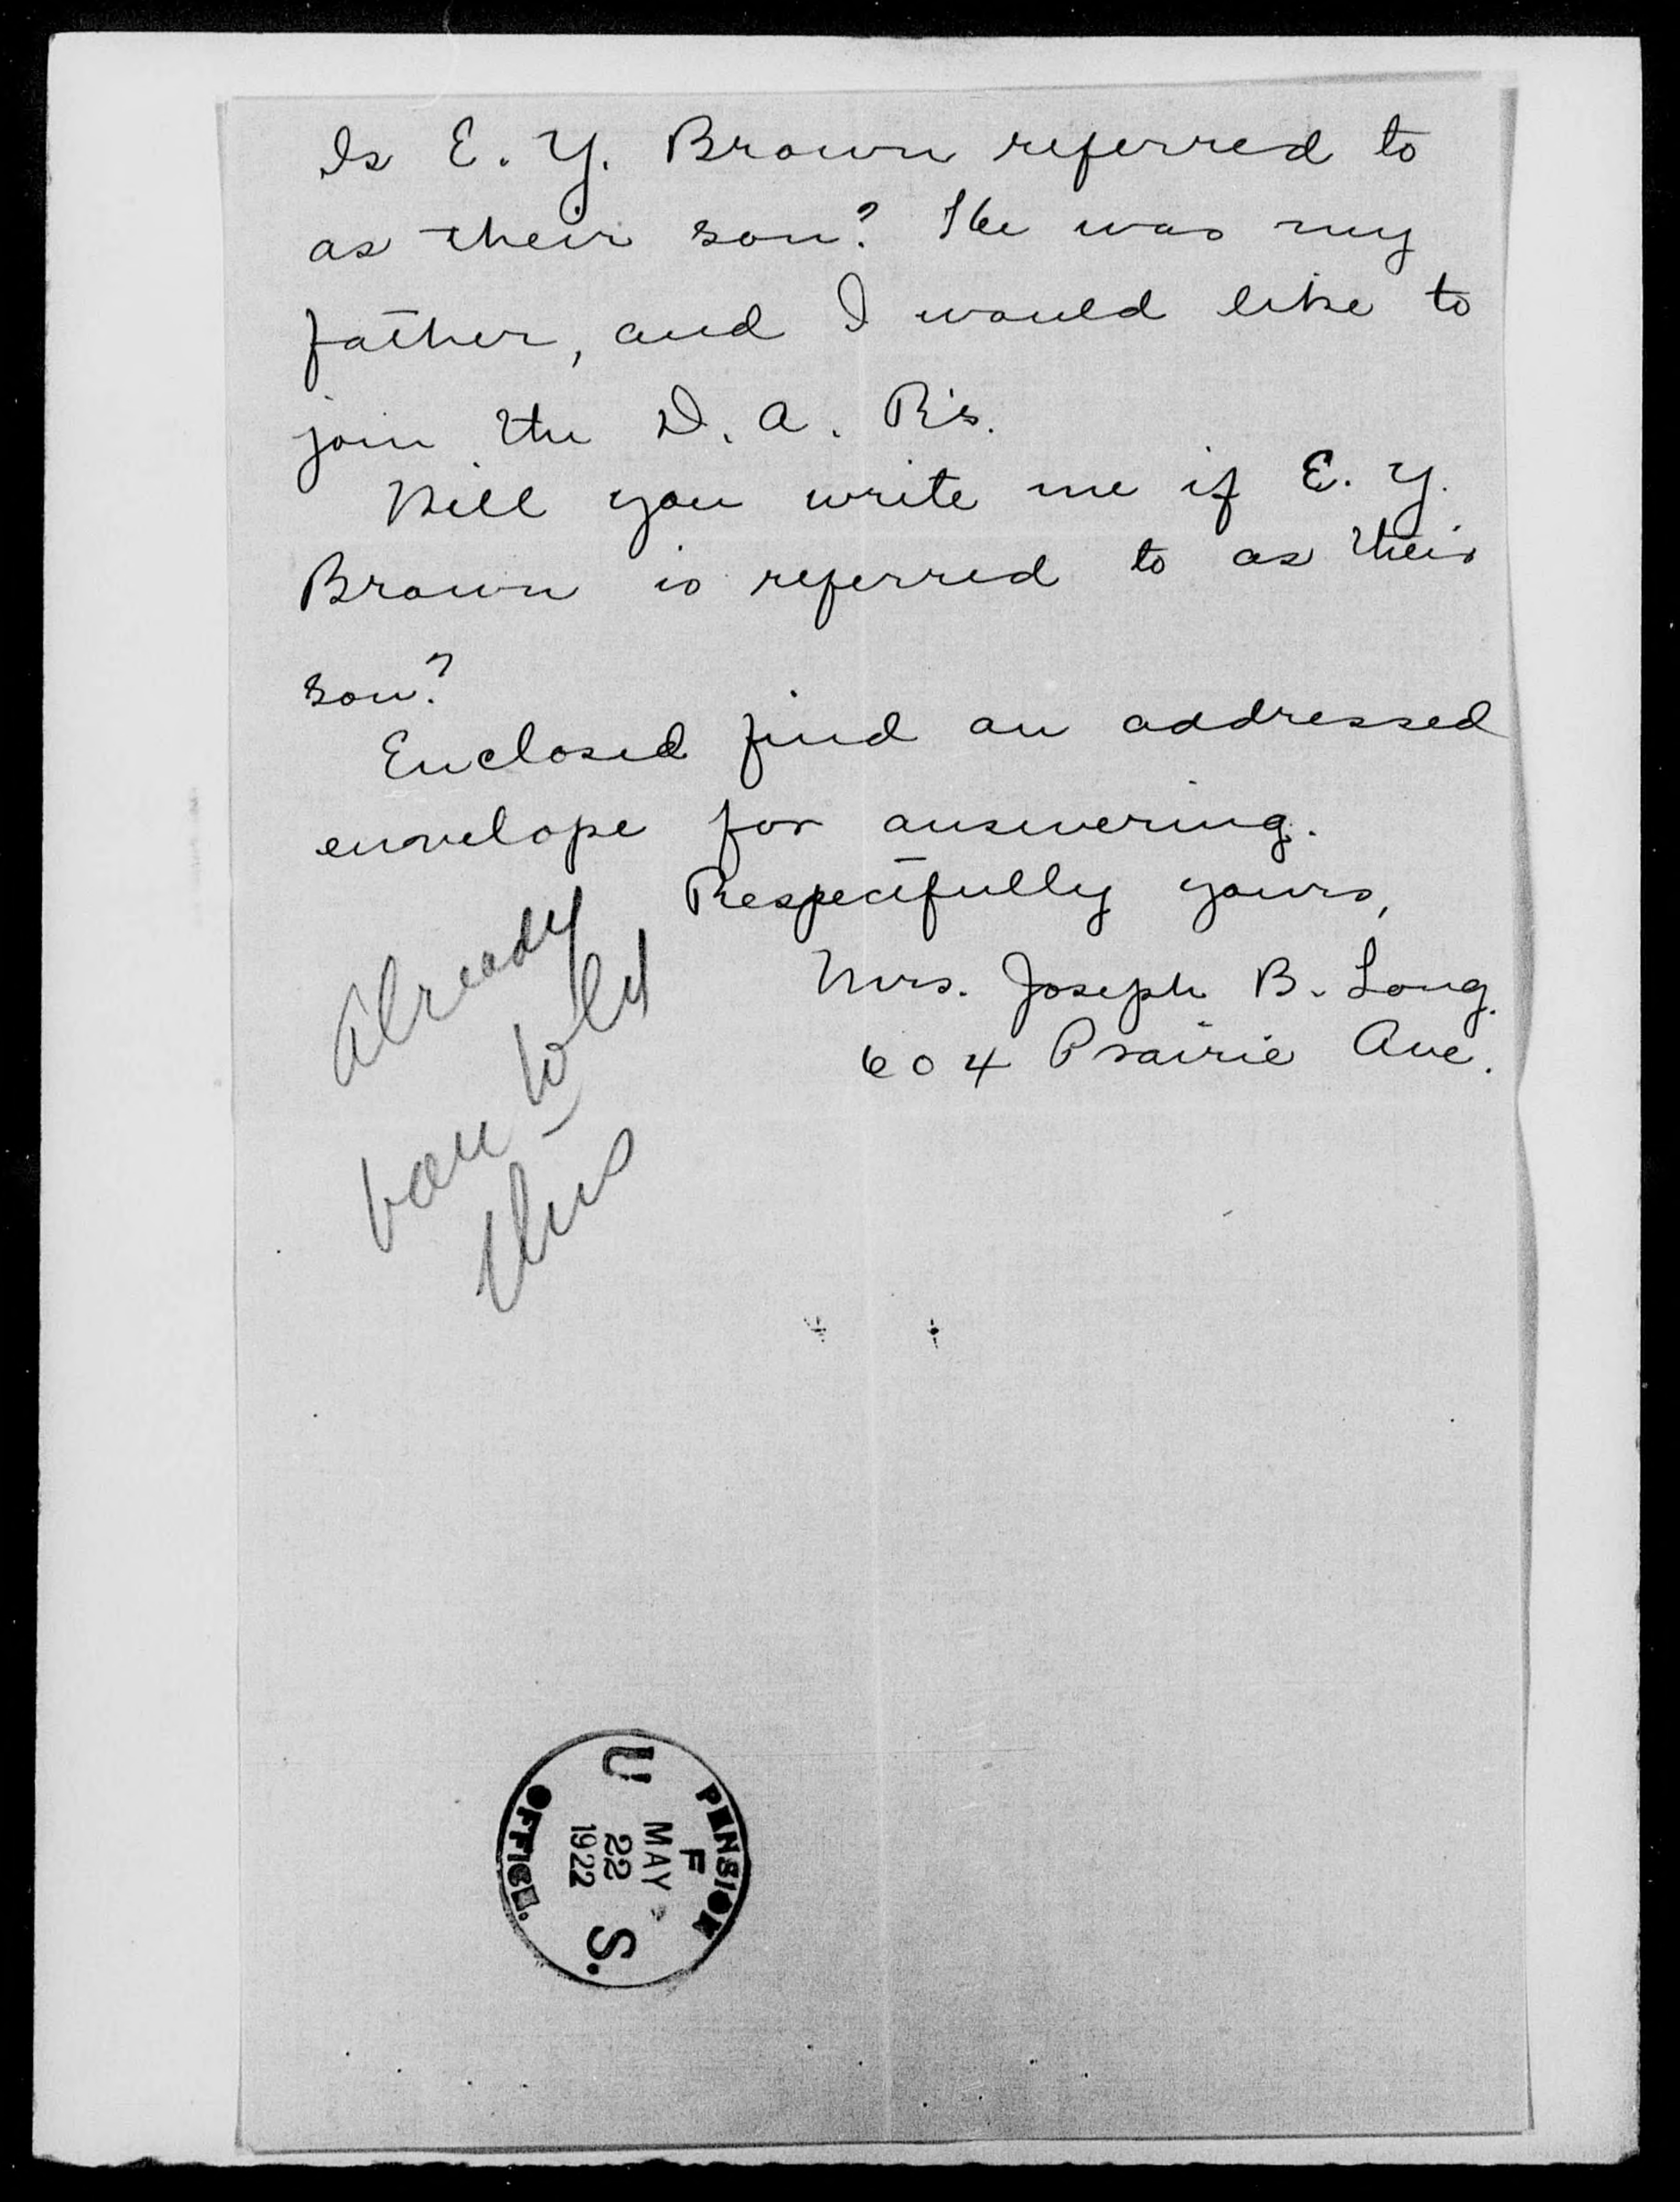Is E. Y. Brown referred to as
their son? he was my father, and
I would like to join the D. A.R
Will you write me if E.Y. Brown
is referred to as their Son?
Enclosed find an addressed
envelope for answering
Respectfully yours
Mrs. Joseph B. Long
604 Prairie Ave
[noted] Already been told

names: E Y Brown, Joseph B Long, E Y Brown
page: 45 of 85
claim: widow's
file: W. 5,906, John Brown, S.C.